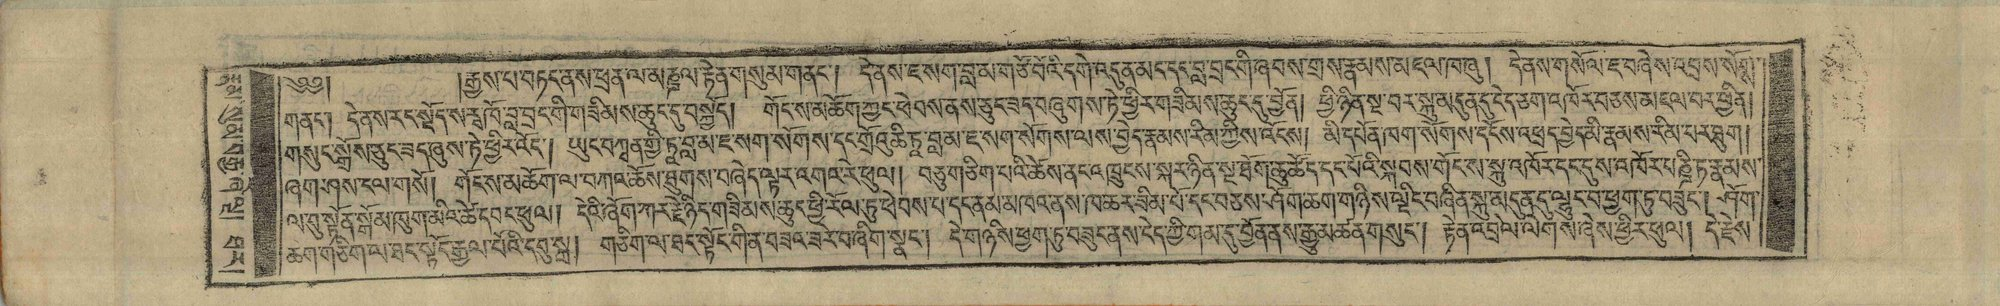༄༅། །རྒྱས་པ་བཏང་ནས་ཕྲན་ལ་མཎྜལ་རྟེན་གསུམ་གནང་། དེ་ནས་ཇ་སག་བླ་མ་གཙོ་བོའི་དགེ་འདུན་མང་དང་བླ་བྲང་གི་ཞབས་གྲས་རྣམས་མཇལ་ཁ་ཞུ། དེ་ནས་གསོལ་ཇ་བཞེས་འབྲས་སོགས་
གནང་། དེ་ནས་རང་སྡོད་ས་རྭ་ཁོ་བླ་བྲང་གི་གཟིམས་ཆུང་དུ་བསྐྱོད། གོང་ས་མཆོག་ཀྱང་ཕེབས་ནས་ཅུང་ཟད་བཞུགས་ཏེ་ཕྱིར་གཟིམས་ཆུང་དུ་བྱོན། ཕྱི་ཉིན་སྔ་བར་སྐུ་མདུན་དུ་ངེད་ཅག་འཁོར་བཅས་མཇལ་བར་ཕྱིན།
གསུང་སྒྲོས་ཅུང་ཟད་ཞུས་ཏེ་ཕྱིར་འོང་། ཡུང་བཀྭན་གྱི་ཏཱ་བླ་མ་ཇ་སག་སོགས་དང་གྲོའུ་ཆི་ཏཱ་བླ་མ་ཇ་སག་སོགས་ལས་བྱེད་རྣམས་རིམ་གྱིས་འོངས། མི་དཔོན་ཁག་སོགས་དངོས་འཕྲད་བྱེད་མི་རྣམས་རིམ་པར་ཐུག །
ཞག་ཤས་ངལ་གསོ། གོང་ས་མཆོག་ལ་བཀའ་ཆོས་ཐུགས་བཞེད་ལྟར་འགའ་རེ་ཕུལ། བཅུ་གཅིག་པའི་ཚེས་ནང་འཁྲུངས་སྐར་ཉིན་སྔ་ཐོག་ཆུ་ཚོད་དང་པོའི་སྐབས་གོང་ས་སྐུ་འཁོར་དང་དུས་འཁྲོ་པཎྜི་ཏ་རྣམས་
ལ་བུ་སྟོན་སྒོམ་ཁུག་མའི་ཚེ་དབང་ཕུལ། དེའི་ཞོག་ཀར་རྗེ་ཉིད་གཟིམས་ཆུང་ཕྱི་རོལ་ཏུ་ཕེབས་པ་དང་ནམ་མཁའ་ནས་ཁ་ཆར་ཟིམ་པོ་དང་བཅས་ཤོག་ཆག་གཉིས་ལྡིང་བཞིན་སྐུ་མདུན་དུ་ལྷུང་བ་ཕྱག་ཏུ་བཟུང་། ཤོག་
ཆག་གཅིག་ལ་ཐང་སྟོང་རྒྱལ་པོའི་དབུ་སྐྲ། གཅིག་ལ་ཐང་སྟོང་གིན་བཟའ་ཟེར་བ་ཞིག་སྣང་། དེ་གཉིས་ཕྱག་ཏུ་བཟུང་ནས་ངེད་ཀྱི་གམ་དུ་བྱོན་ནས་རྒྱུ་མཚན་གསུང་། རྟེན་འབྲེལ་ལེགས་ཞེས་ཕྱིར་ཕུལ། དེ་རྗེས་